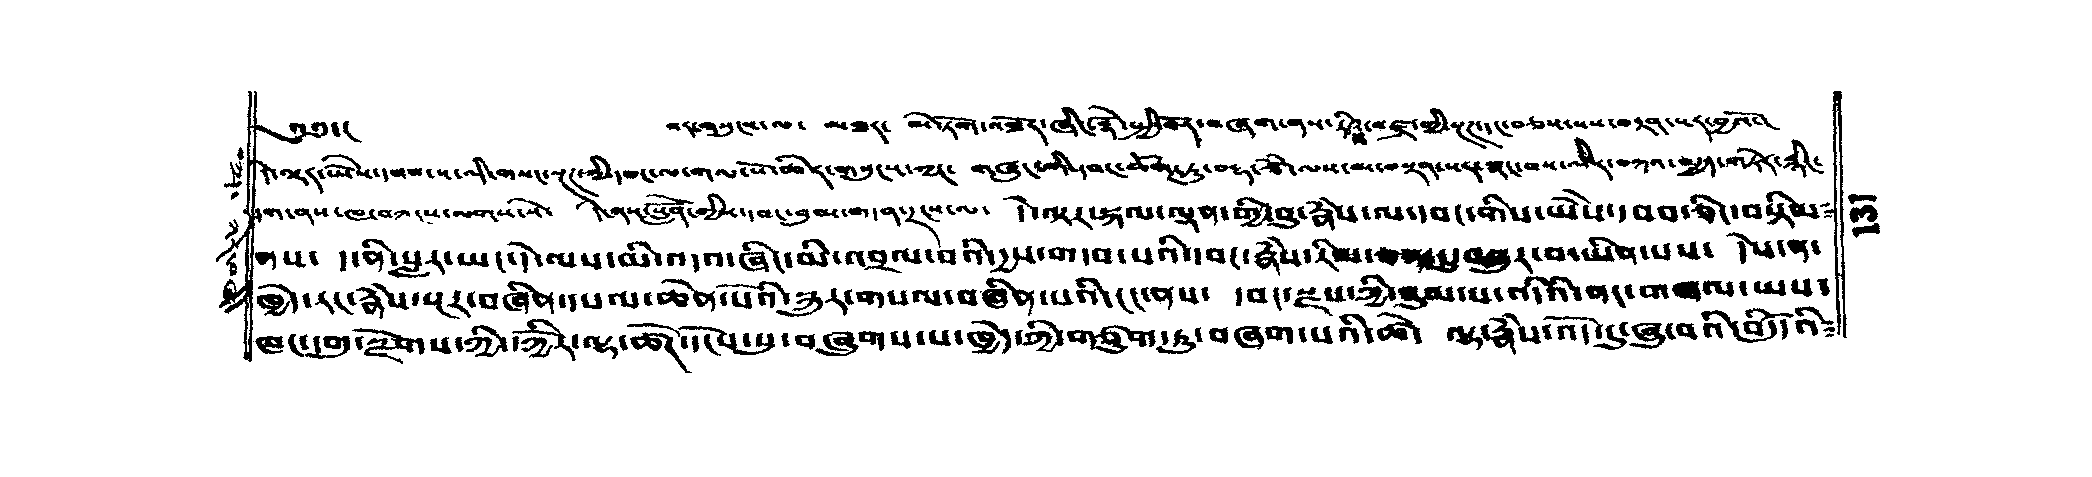གསུངས་ལ། མཐར། མེ་ཏོག་འཐོར་ཞིང་རྡོ་རྗེ་སྤྱི་བོར་བཞག་ནས་ཏིཥྠ་བཛྲ་གྱི་སྔགས་དང་བཅས་པས་བརྟན་པར་བྱའོ། 
དེ་ལྟར་ཡེ་ཤེས་དབབ་པ་འདི་གསང་སྔགས་ཀྱི་དབང་ལ་གལ་པོ་ཆེར་གསུངས་ཀྱང་། གཞུང་གི་དབང་ཆོག་ཏུ་བརྡ་ཙམ་ལས་མ་བསྟན་པར་སྣང་བས་འདིར་བཀའ་བརྒྱད་གཏེར་རྙིང་
དག་ནས་ཁ་བཀངས་ལགས་སེ། དེ་ནས་སློབ་དཔོན་གྱིས་དབང་བུམ་གདན་དྲངས་ལ། དེ་ལྟར་སྐལ་ལྡན་གྱི་བུ་རྣམས་ལ་དབང་གིས་ཡེ་ཤེས་དབབ་ཅིང་བསྟིམ་
ནས། ད་ནི་སླར་ཡང་དེ་ལས་མི་འདའ་ཞིང་མི་འབྲལ་བའི་རྒྱས་གདབ་པའི་དབང་རྣམས་རིམ་ཅན་དུ་བསྐུར་བ་ཡིན་པས། དེས་ན་
ཁྱེད་རང་རྣམས་སྔར་བཞིན་དཔལ་ཆེན་པོའི་སྐུར་གསལ་བཞིན་པའི་ངང་ནས། དབང་རྫས་ཀྱི་བུམ་པ་འདིའི་ནང་གཞལ་ཡས་
ཁང་དགུ་རྫོགས་ཀྱི་དཀྱིལ་འཁོར་ལྷ་ཚོགས་དངོས་སུ་བཞུགས་པ་ཁྱེད་ཀྱི་གཙུག་ཏུ་བཞག་པའི་ཚེ། ལྷ་རྣམས་འོད་དུ་ཞུ་བའི་བདུད་རྩིའི་